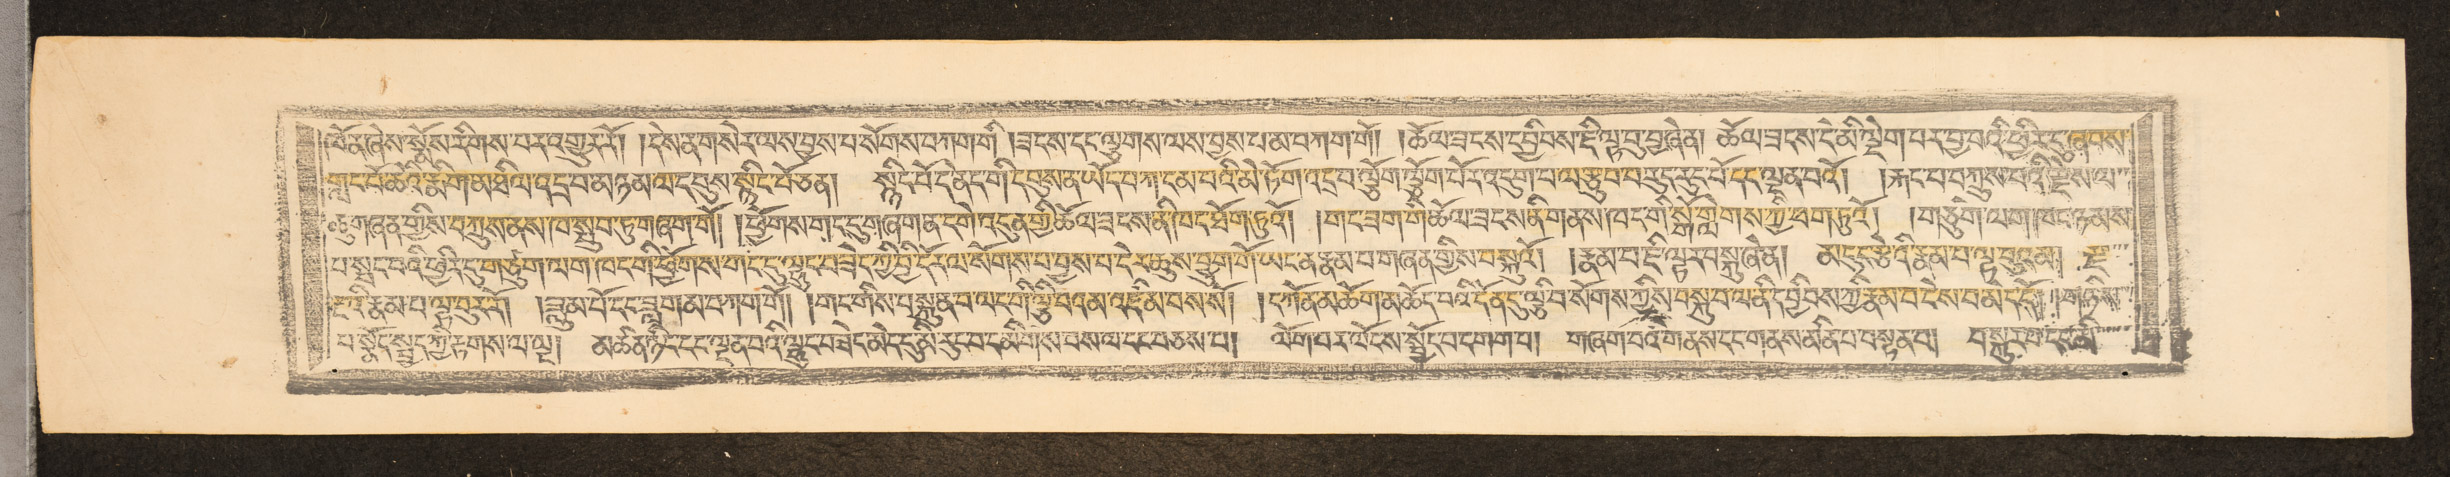ཁོ་ན་ཞེས་སྨོས་རིགས་པར་འགྱུར་རོ། །དེས་ན་གསེར་ལས་བྱས་པ་སོགས་བཀག་གི །ཟངས་དང་ལྕགས་ལས་བྱས་པ་མ་བཀག་གོ། །ཆོལ་ཟངས་དབྱིབས་ཇི་ལྟ་བུ་བྱ་ཞེ་ན། ཆོལ་ཟངས་དེ་མི་ལྡེག་པར་བྱ་བའི་ཕྱིར་དུ་ཞབས་
གླང་པོ་ཆེའི་རྨིག་མཐིལ་འདྲ་བ་མཉམ་ལ་དབུས་སྙིང་པོ་ཅན། སྙིད་པོ་དེ་ནང་གི་དབུས་ན་ཡོད་པ་ཀ་དམ་པའི་མེ་ཏོག་འདྲ་བ་ལྕོག་ལྕོག་པོར་འདུག་པ་ལ་རྩུབ་པ་རུང་རུང་པོ་དང་ལྡན་པའོ། །རྐང་པ་བཀྲུས་པའི་རྗེས་ལ་
ཆུ་གཞན་གྱིས་བཀྲུས་ནས་ཁ་སྦུབ་ཏུ་གཞག་གོ། །ཕྱོགས་གང་དུ་གཞག་ན་དགེ་འདུན་གྱི་ཆོལ་ཟངས་ནི་ཁང་ཐོག་ཏུའོ། །གང་ཟག་གི་ཆོལ་ཟངས་ནི་གནས་ཁང་གི་སྒོ་གླེགས་ཀྱི་ཕག་ཏུའོ། །གཙུག་ལག་ཁང་ཉམས་
བ་སྤང་བའི་ཕྱིར་དུ་གཙུག་ལག་ཁང་གི་ཕྱོགས་གང་དུ་ལྷུང་བཟེད་ཀྱི་བྱི་དོར་ལ་སོགས་པ་བྱས་པ་དེར་ཆུས་བྱུག་གོ་ཡང་ན་རྣམ་པ་གཞན་གྱིས་བསྐུའོ། །རྣམ་པ་ཇི་ལྟར་བསྐུ་ཞེ་ན། མདུང་རྩེའི་རྣམ་པ་ལྟ་བུའམ། རྫ་
རྔའི་རྣམ་པ་ལྟ་བུར་རོ། །ཟླུམ་པོ་དང་ཟླ་གམ་བཀག་གོ། །གང་གིས་བསྐུན་བ་ལང་གི་ལྕི་བའམ་འཇིམ་པས་སོ། །དཀོན་མཆོག་མཆོད་པའི་དོན་དུ་ལྕི་བ་སོགས་ཀྱིས་བསྐུ་བ་ལ་ནི་དབྱིབས་ཀྱི་རྣམ་པ་ངེས་པ་མེད་དོ། །གཉིས་
པ་སྣོད་སྤྱད་ཀྱི་རྟགས་ལ་ལྔ། མཚན་ཉིད་དང་ལྡན་པའི་ལྷུང་བཟེད་མེད་དུ་མི་རུང་བ་དམིགས་བསལ་དང་བཅས་པ། ལོག་པར་ལོངས་སྤྱོད་པ་དགག་པ། གཞག་པའི་གནས་དང་གནས་མིན་པ་བསྟན་པ། བསྐུར་བ་དང་མི་